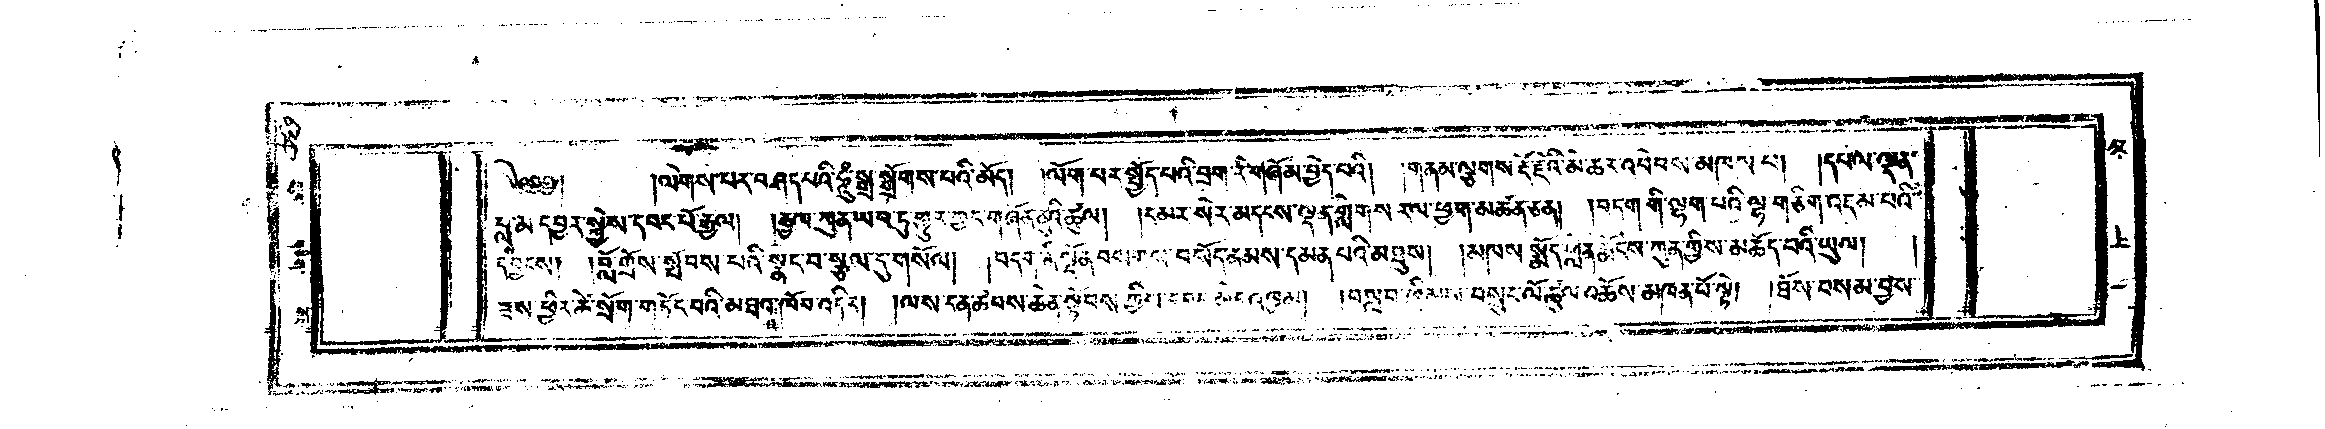༄༅༅། །ལེགས་པར་བཤད་པའི་ཧཱུཾ་སྒྲ་སྒྲོགས་པའི་མོད། །ལོག་པར་སྤྱོད་པའི་བྲག་རི་གཞོམ་བྱེད་པའི། །གནམ་ལྕགས་རྡོ་རྗེའི་མེ་ཆར་འབེབས་མཁས་པ། །དཔལ་ལྡན་
བླ་མ་དབྱར་སྐྱེས་དབང་པོ་རྒྱལ། །རྒྱལ་ཀུན་ཡབ་ཏུ་གྱུར་ཀྱང་གཞོན་ནུའི་ཚུལ། །དམར་སེར་མདངས་ལྡན་གླེགས་རལ་ཕྱག་མཚན་ཅན། །བདག་གི་ལྷག་པའི་ལྷ་གཅིག་འཇམ་པའི་
དབྱངས། །བློ་གྲོས་སྤོབས་པའི་སྣང་བ་སྩལ་དུ་གསོལ། །བདག་ནི་སྔོན་བསགས་བསོད་ནམས་དམན་པའི་མཐུས། །མཁས་སྨོད་གླེན་རྨོངས་ཀུན་གྱིས་མཆོད་པའི་ཡུལ། །
ཟས་ཕྱིར་ཚེ་སྲོག་གཏོང་བའི་མཐའ་འཁོབ་འདིར། །ལས་ངན་ཚབས་ཆེན་སྟོབས་ཀྱིས་དབང་མེད་འཁྱམ། །བསླབ་ཁྲིམས་བསྲུང་ལོ་ཚུལ་འཆོས་མཁན་པོ་སྟེ། །ཐོས་བསམ་བྱས་